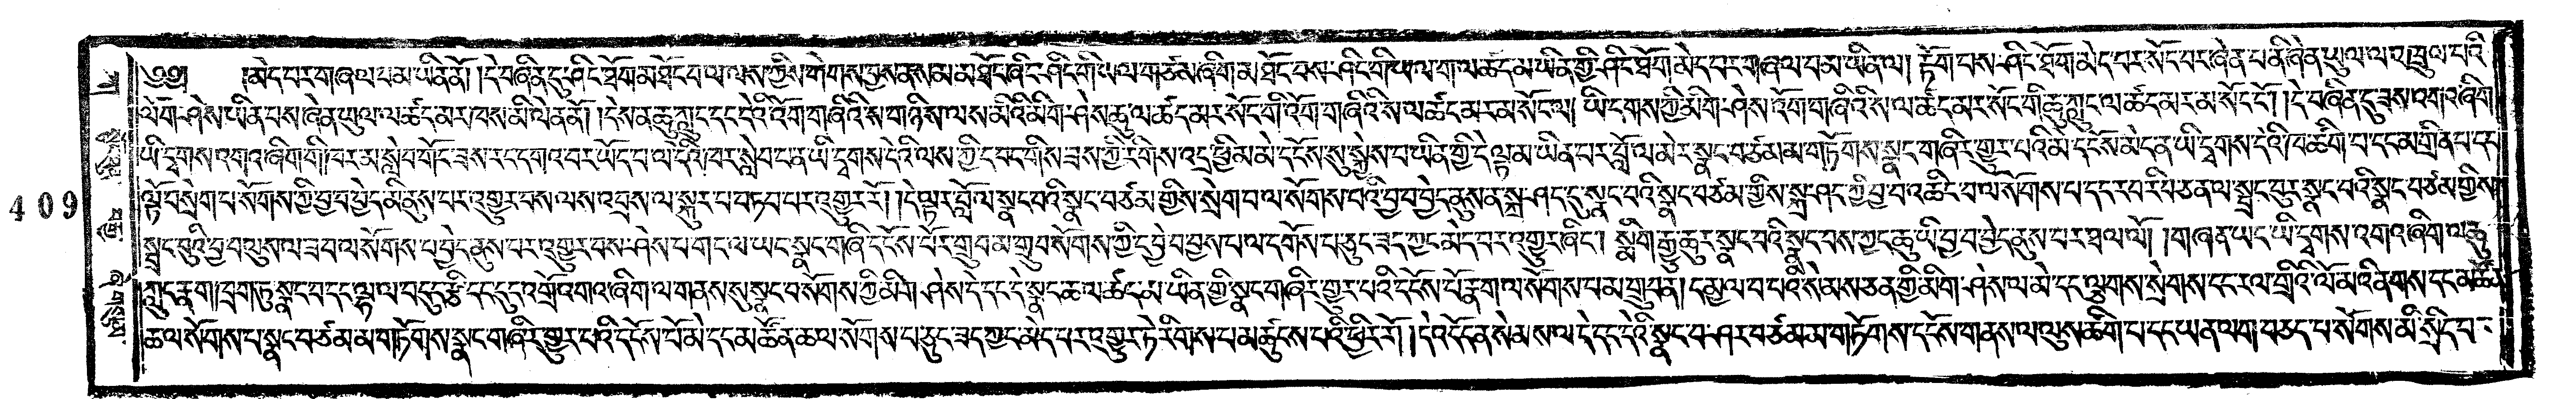༄༅། །མེད་པར་གཞལ་བ་མ་ཡིན་ནོ། །དེ་བཞིན་དུ་ཤིང་ཐོག་མཐོང་བ་ལ་ལས་ཀྱིས་གེགས་བྱས་ནས་མ་མཐོང་ཞིང་ཤིང་གི་ཡལ་ག་ཙམ་ཞིག་མཐོང་བས་ཤིང་གི་ཡལ་ག་ལ་ཚད་མ་ཡིན་གྱི་ཤིང་ཐོག་མེད་པར་གཞལ་བམ་ཡིན་ལ། རྟོག་པས་ཤིང་ཐོག་མེད་བར་སོང་བར་ཞེན་བ་ནི་ཞེན་ཡུལ་ལ་འཁྲུལ་བའི་
ལོག་ཤེས་ཡིན་པས་ཞེན་ཡུལ་ལ་ཚད་མར་ཁས་མི་ལེན་ནོ། །དེས་ན་ཆུ་ཀླུང་དང་དེའི་འོག་གཞིའི་ས་གཉིས་ལས་མིའི་མིག་ཤེས་ཆུ་ལ་ཚད་མར་སོང་གི་འོག་གཞིའི་ས་ལ་ཚད་མར་མ་སོང་ལ། ཡི་དགས་ཀྱི་མིག་ཤེས་འོག་གཞིའི་ས་ལ་ཚད་མར་སོང་གི་ཆུ་ཀླུང་ལ་ཚད་མར་མ་སོང་ངོ། །དེ་བཞིན་དུ་ཟས་འགའ་ཞིག་
ཡི་དྭགས་འགའ་ཞིག་གི་ཁར་མ་སླེབ་གོང་ཟས་རང་དགའ་བར་ཡོད་བ་ལ་དེའི་ཁར་སླེབ་པ་ན་ཡི་དྭགས་དེའི་ལས་ཀྱི་དབང་གིས་ཟས་ཀྱི་རིགས་འདྲ་ཕྱི་མ་མེ་དངོས་སུ་སྐྱེས་པ་ཡིན་གྱི་དེ་ལྟ་མ་ཡིན་བར་བློ་ལ་མར་སྣང་བ་ཙམ་མ་གཏོགས་སྣང་གཞིར་གྱུར་བའི་མེ་དངོས་མེད་ན་ཡི་དྭགས་དེའི་ཁ་ཚིག་བ་དང་མགྲིན་པ་དང་
ལྟོ་བསྲེག་པ་སོགས་ཀྱི་བྱ་བ་བྱེད་མི་ནུས་པར་འགྱུར་བས་ལས་འབྲས་ལ་སྐུར་པ་བཏབ་པར་འགྱུར་རོ། །དེ་ལྟར་བློ་ལ་སྣང་བའི་སྣང་བ་ཙམ་གྱིས་སྲེག་བ་ལ་སོགས་བའི་བྱ་བ་བྱེད་ནུས་ན་སྐྲ་ཤད་དུ་སྣང་བའི་སྣང་བ་ཙམ་གྱིས་སྐྲ་ཤད་ཀྱི་བྱ་བ་འཆིད་བ་ལ་སོགས་པ་དང་རབ་རིབ་ཅན་ལ་སྤྲང་བུར་སྣང་བའི་སྣང་བ་ཙམ་གྱིས་
སྦྲང་བུའི་བྱ་བ་ལུས་ལ་ཟབ་ལ་སོགས་པ་བྱེད་ནུས་པར་འགྱུར་བས་ཤེས་པ་གང་ལ་ཡང་སྣང་གཞི་དངོས་པོར་གྲུབ་མ་གྲུབ་སོགས་ཀྱི་དབྱེ་བ་བྱས་པ་ལ་དགོས་པ་ཅུང་ཟད་ཀྱང་མེད་བར་འགྱུར་ཞིང་། སྨིག་རྒྱུ་ཆུར་སྣང་བའི་སྣང་བས་ཀྱང་ཆུ་ཡི་བྱ་བ་བྱེད་ནུས་པར་ཐལ་ལོ། །གཞན་ཡང་ཡི་དྭགས་འགའ་ཞིག་ལ་ཆུ་
ཀླུང་རྣག་ཁྲག་ཏུ་སྣང་བ་དང་ལྷ་ལ་བདུད་རྩི་དང་དུད་འགྲོ་འགའ་ཞིག་ལ་གནས་སུ་སྣང་བ་སོགས་ཀྱི་མིག་ཤེས་དེ་དང་དེ་སྣང་ཆལ་ཚད་མ་ཡིན་གྱི་སྣང་གཞིར་གྱུར་པའི་དངོས་པོ་རྣག་ལ་སོགས་པ་མ་གྲུབ་ན། དམྱལ་བ་པའི་སེམས་ཅན་གྱི་མིག་ཤེས་ལ་མེ་དང་ལྕགས་སྲེགས་དང་རལ་གྲིའི་ལོ་མའི་ནགས་དང་མཚོན་
ཆ་ལ་སོགས་པ་སྣང་བ་ཙམ་མ་གཏོགས་སྣང་གཞིར་གྱུར་པའི་དངོས་པོ་མེ་དང་མཚོན་ཆལ་སོགས་པ་ཅུང་ཟད་ཀྱང་མེད་པར་འགྱུར་ཏེ་རིགས་པ་མཚུངས་པའི་ཕྱིར་རོ། །དེ་འདོད་ན་སེམས་ལ་དེ་དང་དེའི་སྣང་བ་ཤར་བ་ཙམ་མ་གཏོགས་དངོས་གནས་ལ་ལུས་ཚིག་པ་དང་ཡན་ལག་བཅད་པ་སོགས་མི་སྲིད་བར་